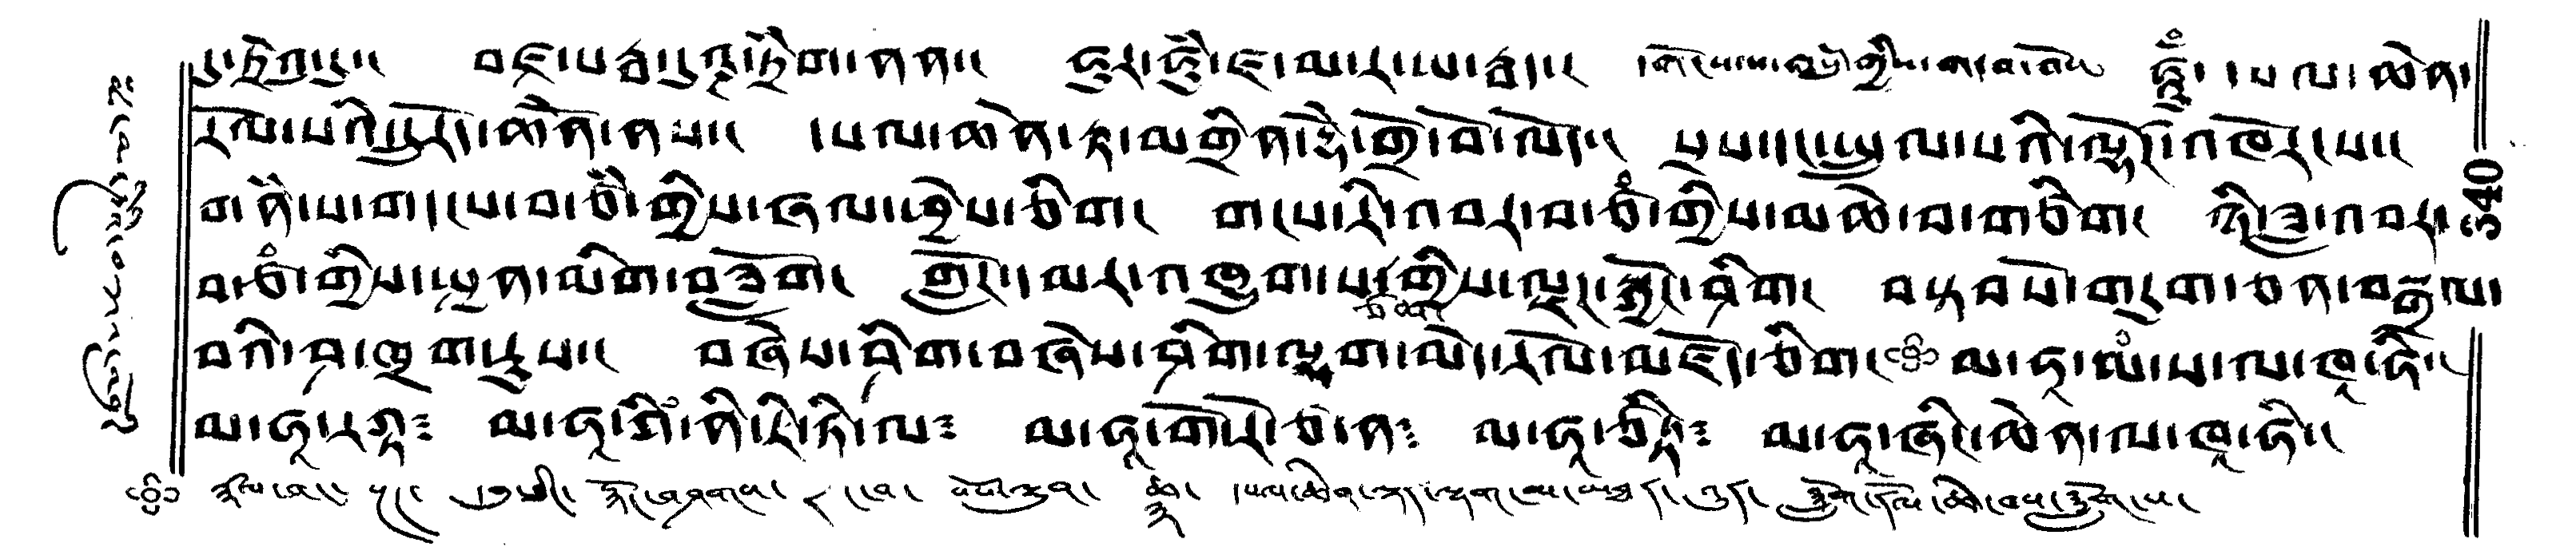དུ་ཏྲེའུ་དུ། བཛྲ་སརྦ་དུཥྚ་ཏྲིག་ནན། ཧུར་ཐུམ་ཛ་མ་ར་ཡ་རྦད། དགོངས་པ་གསུམ་གྱིས་གདབ་བོ། ཧཱུྃ། དཔལ་ཆེན་
རོལ་པའི་དུར་ཁྲོད་ཆེན་པོ་ནས། །དཔལ་ཆེན་རྟ་མགྲིན་རྡོ་རྗེ་གྲོ་བོ་ལོད། །སྲས་དང་སྤྲུལ་པའི་ལྷ་ཚོགས་འཁོར་དང་བཅས། 
།གནམ་ས་གདངས་བ་ཙམ་གྱིས་ཞལ་ཕྱེས་ཤིག །གངས་རི་འབར་བ་ཙམ་གྱིས་མཆེ་བ་གཙིག །ཉི་ཟླ་འབར་བ་
ཙམ་གྱིས་སྤྱན་མིག་བཟློག །གློག་དམར་འཁྱུག་པ་ཙམ་གྱི་ལྗགས་སྐྱོངས་ཤིག །བསྟབས་སོ་གདུག་ཅན་བསྒྲལ་
བའི་ཤ་ཁྲག་རུས། །བཞེས་ཤིག་བཞེས་ཤིག་ལྷག་མེད་རོལ་མཛོད་ཅིག མ་ཧཱ་མཾ་ས་ལ་ཁཱ་ཧི། 
མ་ཧཱ་རཀྟ༴ མ་ཧཱ་ཀིཾ་ནི་རི་ཏི་ལ༴ མ་ཧཱ་གོ་རོ་ཙ་ན༴ མ་ཧཱ་ཙིཏྟ༴ མ་ཧཱ་ཞིང་ཆེན་ལ་ཁཱ་ཧི།